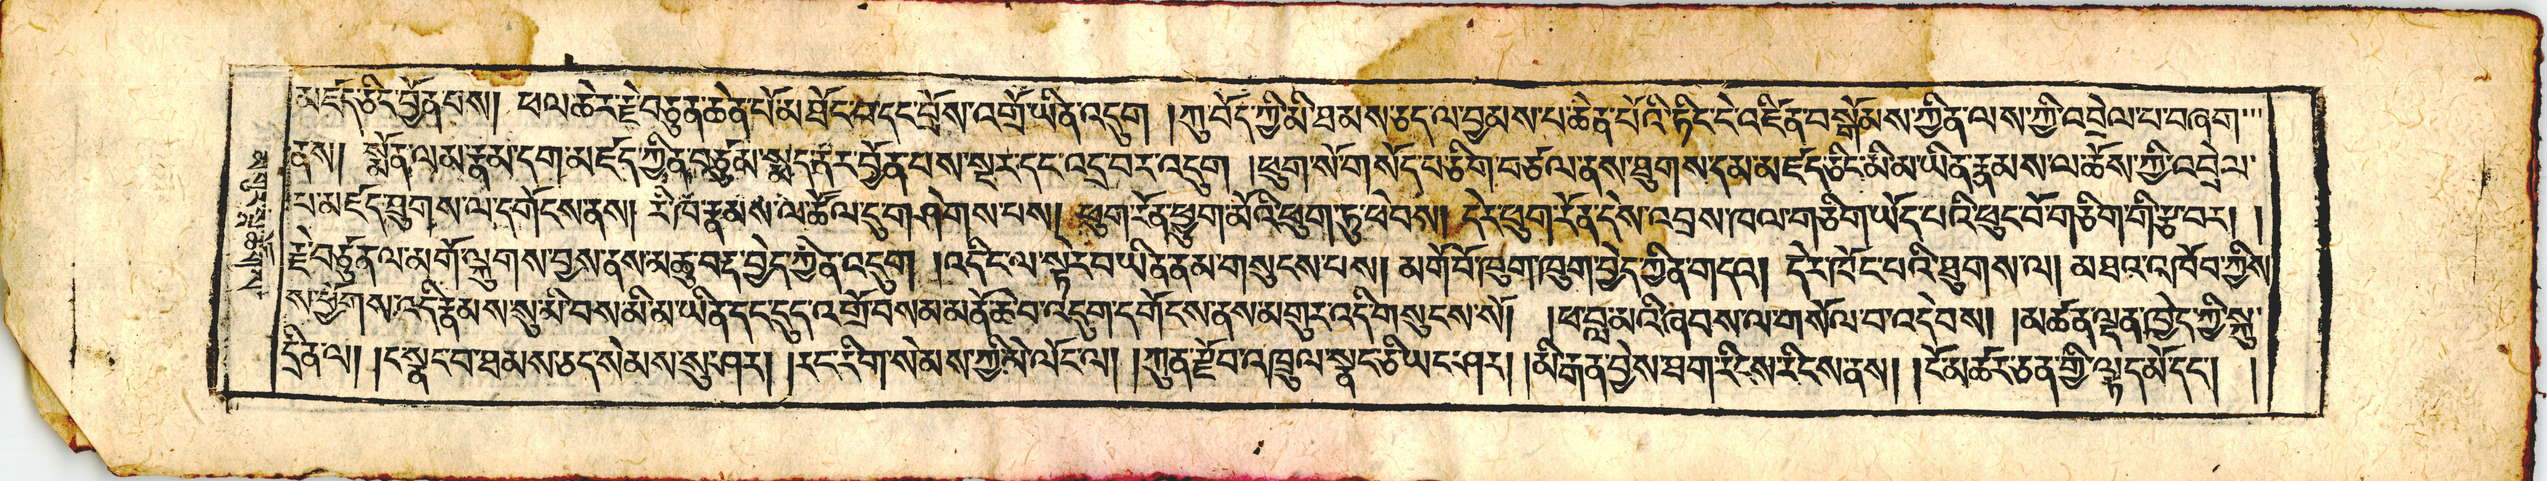མཛད་ཅིང་བྱོན པས། ཕལ ཆེར་རྫེ བཙུན་ཆེན་པོ་མཐོང་བ་དང་བྲོས་འགྲོ་ཡིན་འདུག །ཀུ་བོད་ཀྱི་མི་ཐམས་ཅད་ལ་བྱམས་པ་ཆེན་པོའི་ཏིང་ངེ་འཛིན་བསྒོམས་ཀྱིན་ལས་ཀྱི་འབྲེལ་པ་བཞག་་་
ནས། སྨོན་ལམ་རྣམ་དག་མཛད་ཀྱིན་བཙུམ་སྨད་ན་མར་བྱོན་པས་སྔར་དང་འདྲ་བར་འདུག །ཕུག་སོ་གསོད་པ་ཅིག་བཙལ་ནས་ཐུགས་དམ་མཛད་ཅིང་མི་མ་ཡིན་རྣམས་ལ་ཆོས་ཀྱི་འབྲེལ་
པ་མཛད་ཐུགས་ལ་དགོངས་ནས། རི་ཁོ་རྣམས་ལ་ཚོལ་དུ་གཤེགས་པས། ཕུག་རོན་ཕྱུག་མོའི་ཕུག་ཏུ་ཕེབས། དེར་ཕུག་རོན་དེས་འབྲས་ཁལ་གཅིག་ཡོད་པའི་ཕུང་བོ་གཅིག་གི་རྩ་བར། 
རྗེ་བཙུན་ལ་མགོ་ལྐུགས་བྱས་ནས་མཆུ་བརྡ་བྱེད་ཀྱིན་འདུག །འདི་ང་ལ་སྟེར་བ་ཡིན་ནམ་གསུངས་པས། མགོ་བོ་ཁུག་ཁུག་བྱེད་ཀྱིན་གདའ། དེར་ཁོང་པའི་ཐུགས་ལ། མཐའ་འཁོབ་ཀྱིས་
ས་ཕྱོགས་འདི་རྣམས་སུ་མི་བས་མི་མ་ཡིན་དང་དུད་འགྲོ་བསམ་མནོ་ཆེ་བ་འདུག་དགོངས་ནས་མགུར་འདི་གསུངས་སོ། །ཕ་བླ་མའི་ཞབས་ལ་གསོལ་བ་འདེབས། །མཚན་ལྡན་ཁྱེད་ཀྱི་སྐུ་
དྲིན་ལ། །ང་སྣང་བ་ཐམས་ཅད་སེམས་སུ་ཤར། །རང་རིག་སེམས་ཀྱི་མེ་ལོང་ལ། །ཀུན་རྫོབ་འཁྲུལ་སྣང་ཅི་ཡང་ཤར། །མི་རྒན་བྱེས་ཐག་རིངས་རིངས་ནས། །ངོ་མཚར་ཅན་གྱི་ལྟད་མོ་དང་།